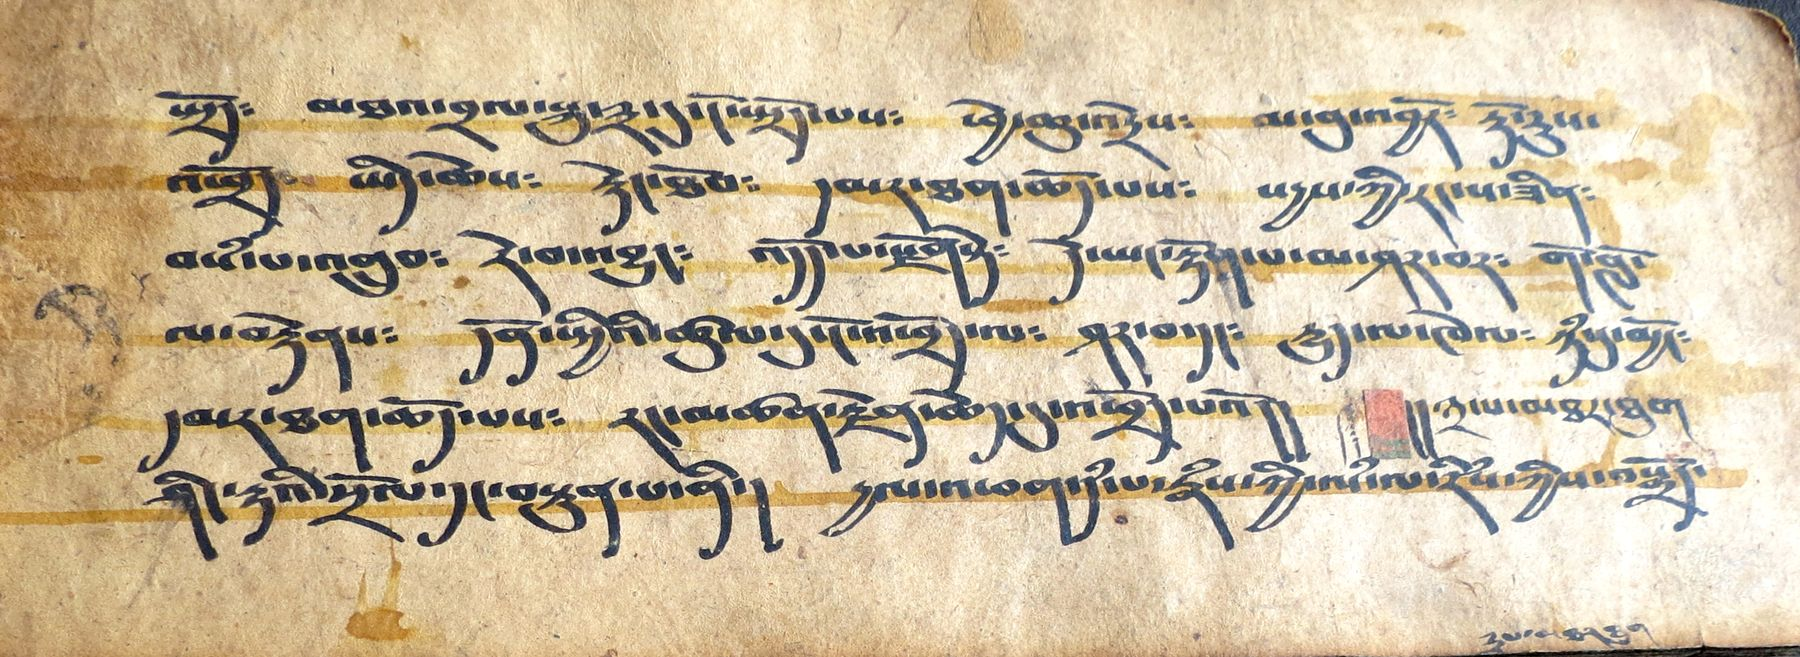སྤྲད། མཐའ་བྲལ་སྐུ་གསུམ་དུ་ངོ་སྤྲད་པས། ཕྱེ་ཆུ་འདྲེས། མ་བུ་འབྱོར། རྡོ་རུས་
འཕྲོད། ཡིད་ཆེས། གདེང་ཐོབ། དམར་ཐག་ཆོད་པས། སངས་རྒྱས་ཀྱི་རང་ས་ཟིན། 
བསམ་པ་འགྲུབ། རེ་བ་འབྱུང་། འདོད་པ་རྫོགས་པ་སྟེ། དེ་ཡང་རྟོགས་པ་མ་ཤར་བར་གོ་བློ་
ལ་བརྟེན་ནས་དོན་སྤྱིའི་ཚུལ་དུ་ངོ་འཕྲོད་ལ། ཤར་བ་དང་རྒྱུད་ལ་ཁེལ། ཉམས་སུ་མྱོང་། 
དམར་ཐག་ཆོད་པས་རང་མཚན་རྗེན་ཅེར་དུ་འཕྲོད་པའོ། ། གསུམ་པ་མཐར་ཐུག་
ཤིང་རྟའི་སྲོལ་དང་བསྟུན་པ་ནི། རྒྱལ་འཕགས་དམ་པ་རྣམས་ཀྱིས་ལམ་ལ་རིམ་གྱིས་བསྒྲོད་